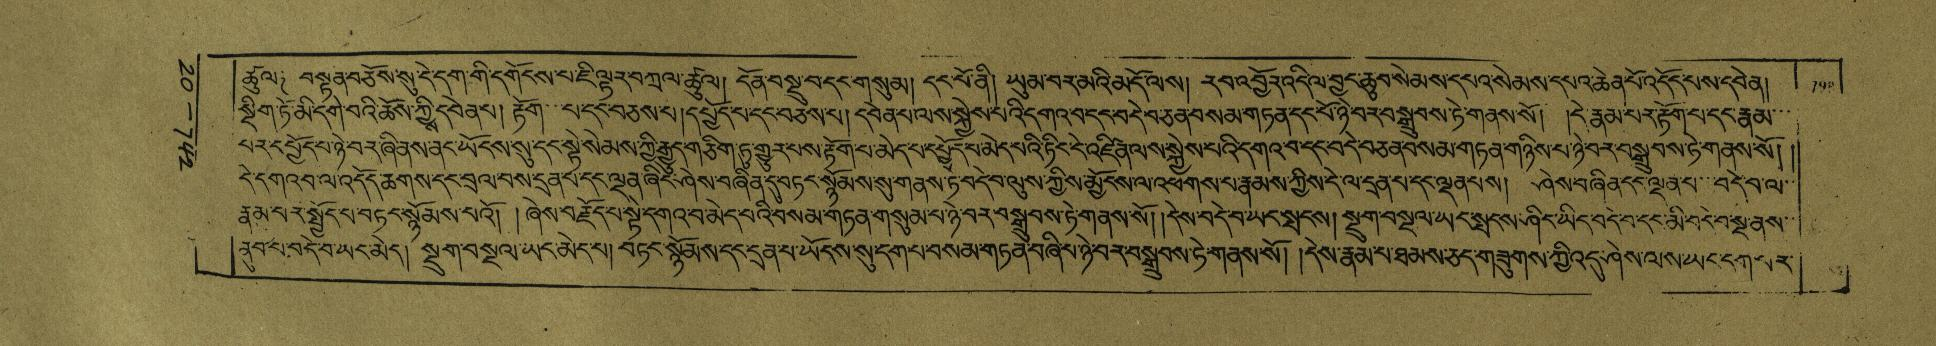ཚུལ༑ བསྟན་བཅོས་སུ་དེ་དག་གི་དགོངས་པ་ཇི་ལྟར་བཀྲལ་ཚུལ། དོན་བསྡུ་བ་དང་གསུམ། དང་པོ་ནི། ཡུམ་བར་མའི་མདོ་ལས། རབ་འབྱོར་འདི་ལ་བྱང་ཆུབ་སེམས་དཔའ་སེམས་དཔའ་ཆེན་པོ་འདོད་པས་དབེན།
སྡིག་ཏོ་མི་དགེ་བའི་ཆོས་ཀྱིས་དབེན་པ། རྟོག་པ་དང་བཅས་པ། དབེན་པ་ལས་སྐྱེས་པའི་དགའ་བ་དང་བདེ་བ་ཅན་བསམ་གཏན་དང་པོ་ཉེ་བར་བསྒྲུབ་ཏེ་གནས་སོ། །དེ་རྣམ་པར་རྟོག་པ་དང་རྣམ་
པར་དཔྱོད་པ་ཉེ་བར་ཞི་ནས་ནང་ཡོངས་སུ་དང་སྟེ་སེམས་ཀྱི་རྒྱུད་གཅིག་ཏུ་གྱུར་པས་རྟོག་པ་མེད་པ་དཔྱོད་པ་མེད་པའི་ཏིང་ངེ་འཛིན་ལས་སྐྱེས་པའི་དགའ་བ་དང་བདེ་བ་ཅན་བསམ་གཏན་གཉིས་པ་ཉེ་བར་བསྒྲུབས་ཏེ་གནས་སོ།།
དེ་དགའ་བ་ལ་འདོད་ཆགས་དང་བྲལ་བས་དྲན་པ་དང་ལྡན་ཞིང་ཤེས་བཞིན་དུ་བཏང་སྙོམ་སུ་གནས་ཏེ་བདེ་བ་ལུས་ཀྱིས་མྱོངས་ལ་འཕགས་པ་རྣམས་ཀྱིས་དེ་ལ་དྲན་པ་དང་ལྡན་པས། ཤེས་བཞིན་དང་ལྡན་པ་བདེ་བ་ལས་
རྣམ་པར་སྤྱོད་པ་བཏང་སྙོམས་པའོ། །ཞེས་བརྗོད་པ་སྟེ་དགའ་བ་མེད་པའི་བསམ་གཏན་གསུམ་པ་ཉེ་བར་བསྒྲུབས་ཏེ་གནས་སོ། །དེས་བདེ་བ་ཡང་སྤངས། སྡུག་བསྔལ་ཡང་སྤངས་ཤིང་ཡིད་བདེ་བ་དང་མི་བདེ་བ་སྔ་ནས་
ནུབ་པ་བདེ་བ་ཡང་མེད། སྡུག་བསྔལ་ཡང་མེད་པ། བཏང་སྙོམས་དང་དྲན་པ་ཡོངས་སུ་དག་པ་བསམ་གཏན་བཞི་པ་ཉེ་བར་བསྒྲུབས་ཏེ་གནས་སོ། །དེས་རྣམ་པ་ཐམས་ཅད་གཟུགས་ཀྱི་འདུ་ཤེས་ལས་ཡང་དག་པར་